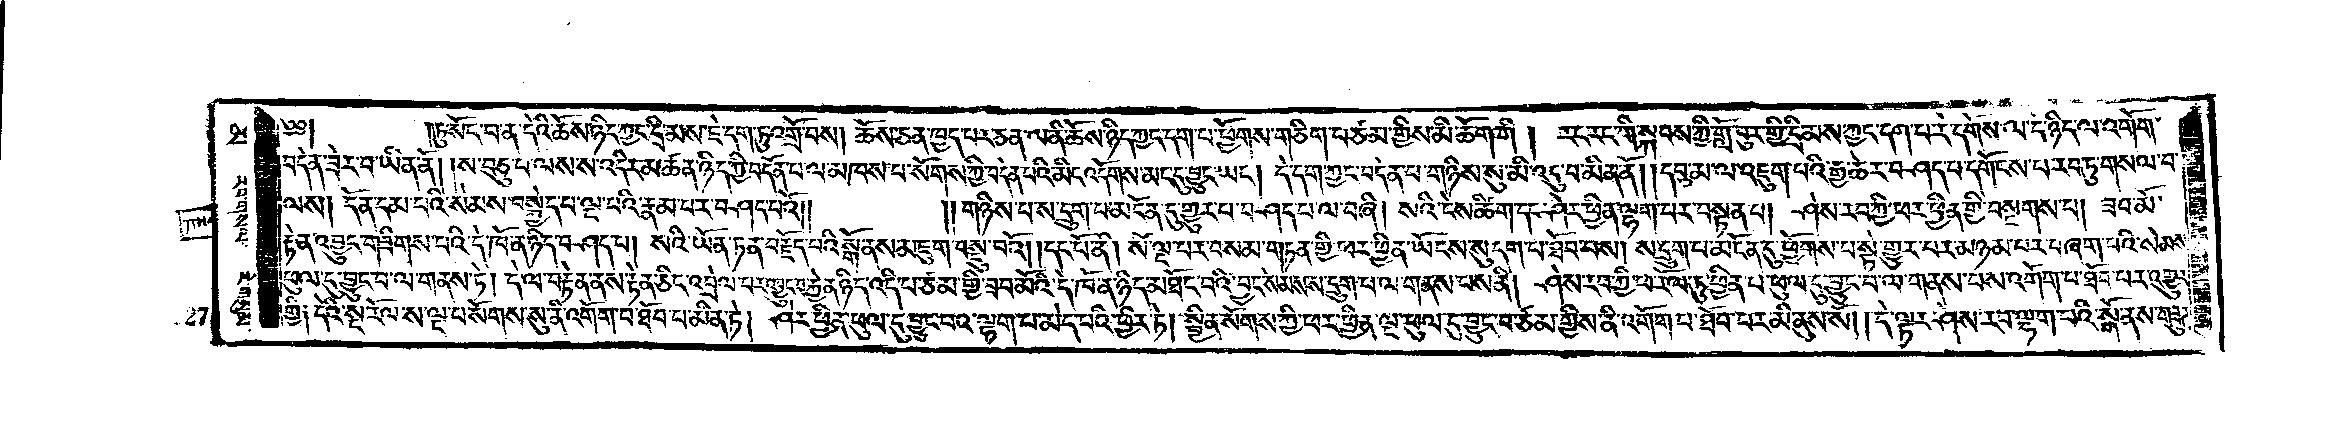༄༅། །ཏུ་སོང་བ་ན་དེའི་ཆོས་ཉིད་ཀྱང་དྲི་མས་ཇེ་དག་ཏུ་འགྲོ་བས། ཆོས་ཅན་ཁྱད་པར་ཅན་ལ་ནི་ཆོས་ཉིད་ཀྱང་དག་པ་ཕྱོགས་གཅིག་པ་ཙམ་གྱིས་མི་ཆོག་གི །རང་རང་གི་སྐབས་ཀྱི་གློ་བུར་གྱི་དྲི་མས་ཀྱང་དག་པ་རེ་དགོས་ལ་དེ་ཉིད་ལ་འགོག་
བདེན་ཟེར་བ་ཡིན་ནོ། །ས་བཅུ་པ་ལས་ས་འདིར་མཚན་ཉིད་ཀྱི་བདེན་པ་ལ་མཁས་པ་སོགས་ཀྱི་བདེན་པའི་མིང་འདོགས་མང་དུ་བྱུང་ཡང་། དེ་དག་ཀྱང་བདེན་པ་གཉིས་སུ་མི་འདུ་བ་མིན་ནོ། །དབུ་མ་ལ་འཇུག་པའི་རྒྱ་ཆེར་བཤད་པ་དགོངས་པ་རབ་ཏུ་གསལ་བ་
ལས། དོན་དམ་པའི་སེམས་བསྐྱེད་པ་ལྔ་པའི་རྣམ་པར་བཤད་པའོ།། ༈ །།གཉིས་པ། ས་དྲུག་པ་མངོན་དུ་གྱུར་པ་བཤད་པ་ལ་བཞི། སའི་ངེས་ཚིག་དང་ཤེར་ཕྱིན་ལྷག་པར་བསྟན་པ། ཤེས་རབ་ཀྱི་ཕར་ཕྱིན་གྱི་བསྔགས་པ། ཟབ་མོ་
རྟེན་འབྱུང་གཟིགས་པའི་དེ་ཁོ་ན་ཉིད་བཤད་པ། སའི་ཡོན་ཏན་བརྗོད་པའི་སྒོ་ནས་མཇུག་བསྡུ་བའོ། །དང་པོ་ནི། ས་ལྔ་པར་བསམ་གཏན་གྱི་ཕར་ཕྱིན་ཡོངས་སུ་དག་པ་ཐོབ་པས། ས་དྲུག་པ་མངོན་དུ་ཕྱོགས་པ་སྟེ་གྱུར་པར་མཉམ་པར་བཞག་པའི་སེམས་
ཕུལ་དུ་བྱུང་བ་ལ་གནས་ཏེ། དེ་ལ་བརྟེན་ནས་རྟེན་ཅིང་འབྲེལ་པར་འབྱུང་བ་རྐྱེན་ཉིད་འདི་པ་ཙམ་གྱི་ཟབ་མོའི་དེ་ཁོ་ན་ཉིད་མཐོང་བའི་བྱང་སེམས་ས་དྲུག་པ་ལ་གནས་པས་ནི། ཤེས་རབ་ཀྱི་ཕ་རོལ་ཏུ་ཕྱིན་པ་ཕུལ་དུ་བྱུང་བ་ལ་གནས་པས་འགོག་པ་ཐོབ་པར་འགྱུར་
གྱི། དེའི་སྔ་རོལ་ས་ལྔ་པ་སོགས་སུ་ནི་འགོག་པ་ཐོབ་པ་མིན་ཏེ། ཤེར་ཕྱིན་ཕུལ་དུ་བྱུང་བའི་ལྷག་པ་མེད་པའི་ཕྱིར་ཏེ། སྦྱིན་སོགས་ཀྱི་ཕར་ཕྱིན་ལྔ་ཕུལ་དུ་བྱུང་བ་ཙམ་གྱིས་ནི་འགོག་པ་ཐོབ་པར་མི་ནུས་སོ། །དེ་ལྟར་ཤེས་རབ་ལྷག་པའི་སྒོ་ནས་གཟུགས་